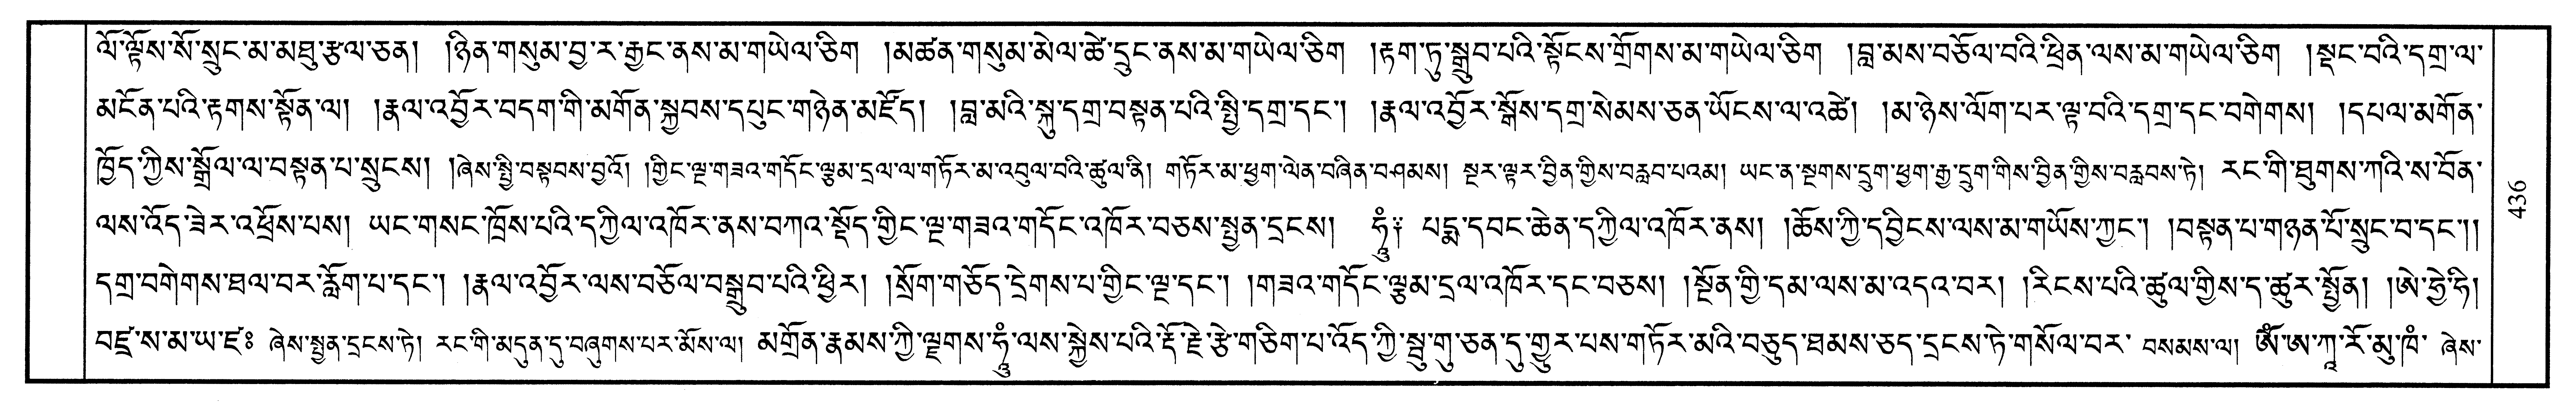ལོ་ལྟོས་སོ་སྲུང་མ་མཐུ་རྩལ་ཅན། །ཉིན་གསུམ་བྱ་ར་རྒྱང་ནས་མ་གཡེལ་ཅིག །མཚན་གསུམ་མེལ་ཚེ་དྲུང་ནས་མ་གཡེལ་ཅིག །རྟག་ཏུ་སྒྲུབ་པའི་སྟོངས་གྲོགས་མ་གཡེལ་ཅིག །བླ་མས་བཅོལ་བའི་ཕྲིན་ལས་མ་གཡེལ་ཅིག །སྡང་བའི་དགྲ་ལ་
མངོན་པའི་རྟགས་སྟོན་ལ། །རྣལ་འབྱོར་བདག་གི་མགོན་སྐྱབས་དཔུང་གཉེན་མཛོད། །བླ་མའི་སྐུ་དགྲ་བསྟན་པའི་སྤྱི་དགྲ་དང་། །རྣལ་འབྱོར་སྒོས་དགྲ་སེམས་ཅན་ཡོངས་ལ་འཚེ། །མ་ཉེས་ལོག་པར་ལྟ་བའི་དགྲ་དང་བགེགས། །དཔལ་མགོན་
ཁྱོད་ཀྱིས་སྒྲོལ་ལ་བསྟན་པ་སྲུངས། །ཞེས་སྤྱི་བསྟབས་བྱའོ། །གྱིང་ལྔ་གཟའ་གདོང་ལྕམ་དྲལ་ལ་གཏོར་མ་འབུལ་བའི་ཚུལ་ནི། གཏོར་མ་ཕྱག་ལེན་བཞིན་བཤམས། སྔར་ལྟར་བྱིན་གྱིས་བརླབ་པའམ། ཡང་ན་སྔགས་དྲུག་ཕྱག་རྒྱ་དྲུག་གིས་བྱིན་གྱིས་བརླབས་ཏེ། རང་གི་ཐུགས་ཀའི་ས་བོན་
ལས་འོད་ཟེར་འཕྲོས་པས། ཡང་གསང་ཁྲོས་པའི་དཀྱིལ་འཁོར་ནས་བཀའ་སྡོད་གྱིང་ལྔ་གཟའ་གདོང་འཁོར་བཅས་སྤྱན་དྲངས། ཧཱུཾ༑ པདམ་དབང་ཆེན་དཀྱིལ་འཁོར་ནས། །ཆོས་ཀྱི་དབྱིངས་ལས་མ་གཡོས་ཀྱང་། །བསྟན་པ་གཉན་པོ་སྲུང་བ་དང།།
དགྲ་བགེགས་ཐལ་བར་རློག་པ་དང་། །རྣལ་འབྱོར་ལས་བཅོལ་བསྒྲུབ་པའི་ཕྱིར། །སྲོག་གཅོད་དྲེགས་པ་གྱིང་ལྔ་དང་། །གཟའ་གདོང་ལྕམ་དྲལ་འཁོར་དང་བཅས། །སྔོན་གྱི་དམ་ལས་མ་འདའ་བར། །རིངས་པའི་ཚུལ་གྱིས་ད་ཚུར་སྤྱོན། །ཨེ་ཧྱེ་ཧི།
བཛྲ་ས་མ་ཡ་ཛཿ ཞེས་སྤྱན་དྲངས་ཏེ། རང་གི་མདུན་དུ་བཞུགས་པར་མོས་ལ། མགྲོན་རྣམས་ཀྱི་ལྗགས་ཧཱུཾ་ལས་སྐྱེས་པའི་རྡོ་རྗེ་རྩེ་གཅིག་པ་འོད་ཀྱི་སྦུ་གུ་ཅན་དུ་གྱུར་པས་གཏོར་མའི་བཅུད་ཐམས་ཅད་དྲངས་ཏེ་གསོལ་བར་བསམས་ལ། ཨོཾ་ཨ་ཀཱ་རོ་མུ་ཁཾ་ཞེས་